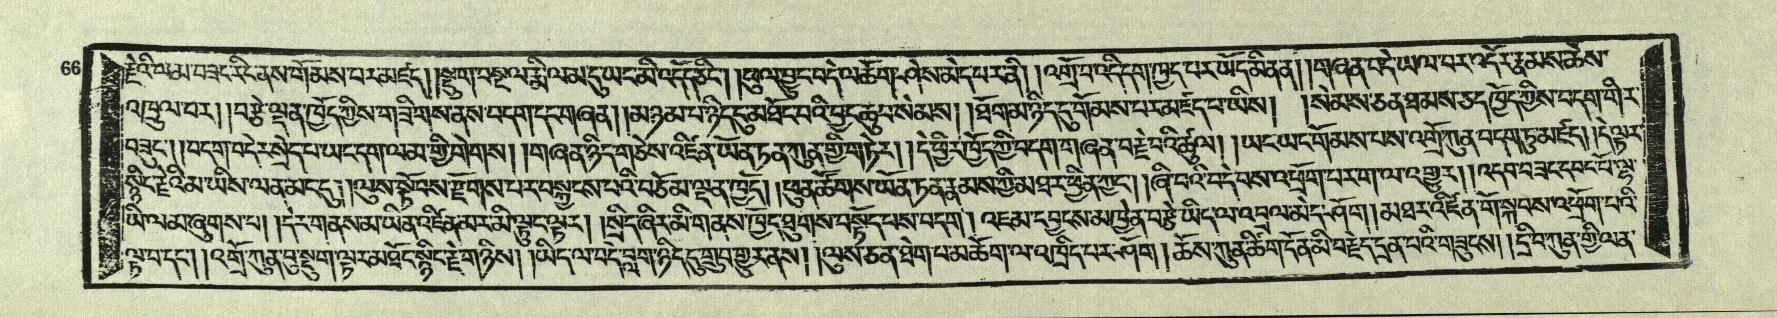རྗེའི་ལ་མ་བཟང་རིང་ནས་གོམས་པར་མཛད། །སྡུག་བསྔལ་རྨི་ལམ་དུ་ཡང་མི་འདོད་ཅིང་། །ཕུལ་བྱུང་བདེ་ལ་ཆོག་ཤེས་མེད་པར་ནི། །འགྲོ་བ་འདི་དག་ཁྱད་པར་ཡོད་མིན་ན། །གཞན་བདེ་ཡལ་བར་འདོར་རྣམས་ཆོས་
འཁྲུལ་བར། །བརྩེ་ལྡན་ཁྱོད་ཀྱིས་གཟིགས་ནས་བདག་དང་གཞན། །མཉམ་པ་ཉིད་དུ་མཐོང་བའི་བྱང་ཆུབ་སེམས། །ཐོག་མ་ཉིད་དུ་གོམས་པར་མཛད་པ་ཡིས། །སེམས་ཅན་ཐམས་ཅད་ཁྱོད་ཀྱིས་བདག་གིར་
བཟུང་། །བདག་བདེར་སྲེད་པ་ཡང་དག་ལམ་གྱི་གེགས། །གཞན་ཉིད་གཅེས་འཛིན་ཡོན་ཏན་ཀུན་གྱི་གཏེར། །དེ་ཕྱིར་ཁྱོད་ཀྱི་བདག་གཞན་བརྗེ་བའི་ཚུལ། །ཡང་ཡང་གོམས་པས་འགྲོ་ཀུན་བདག་ཏུ་མཛད། །དེ་ལྟར་
སྙིང་རྗེའི་མ་ཡིས་ལན་མང་དུ། །ལུས་སྟོབས་རྫོགས་པར་བསྐྱངས་པའི་བཅོམ་ལྡན་ཁྱོད། །ཕུན་ཚོགས་ཡོན་ཏན་རྣམས་ཀྱི་མཐར་ཕྱིན་ཀྱང་། །ཞི་བའི་བདེ་བས་འཕྲོག་པར་ག་ལ་འགྱུར། །འདབ་བཟང་དབང་པོ་ལྷ་
ཡི་ལམ་ཞུགས་པ། །དེར་གནས་མ་ཡིན་འཛིན་མར་མི་ལྟུང་ལྟར། །སྲིད་ཞིར་མི་གནས་ཁྱོད་ཐུགས་བསྟོད་པས་བདག། འཇམ་དབྱངས་མཁྱེན་བརྩེ་ཡིད་ལ་འབྲལ་མེད་ཤོག །མཐར་འཛིན་གོ་སྐབས་འཕྲོག་པའི་
ལྟ་བ་དང་། །འགྲོ་ཀུན་བུ་སྡུག་ལྟར་མཐོང་སྙིང་རྗེ་གཉིས། །ཡིད་ལ་བདེ་བླག་ཉིད་དུ་གྲུབ་གྱུར་ནས། །ལུས་ཅན་ཐེག་པ་མཆོག་ལ་འཁྲིད་པར་ཤོག། །ཆོས་ཀུན་ཚིག་དོན་མི་བརྗེད་དྲན་པའི་གཟུངས། །དྲི་བ་ཀུན་གྱི་ལན་